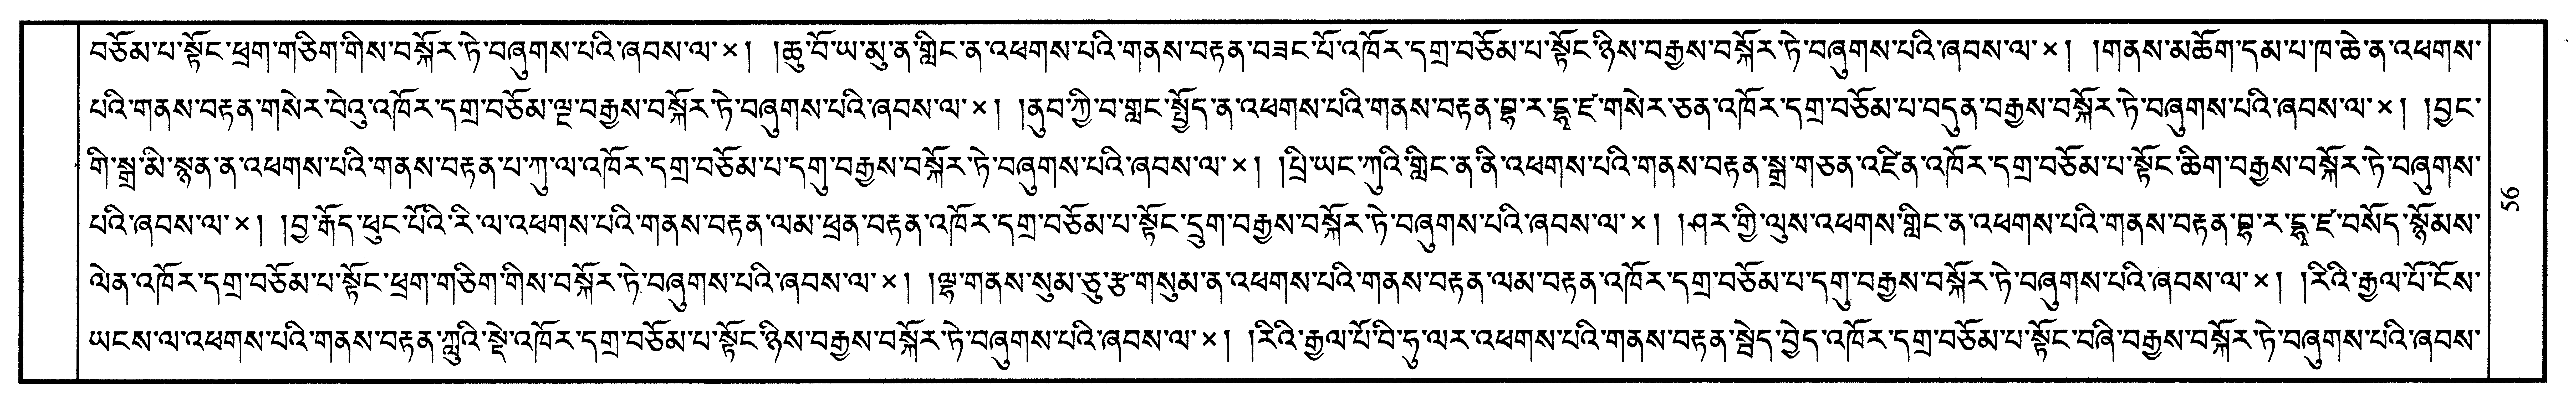བཅོམ་པ་སྟོང་ཕྲག་གཅིག་གིས་བསྐོར་ཏེ་བཞུགས་པའི་ཞབས་ལ་྾། །ཆུ་བོ་ཡ་མུ་ན་གླིང་ན་འཕགས་པའི་གནས་བརྟན་བཟང་པོ་འཁོར་དགྲ་བཅོམ་པ་སྟོང་ཉིས་བརྒྱས་བསྐོར་ཏེ་བཞུགས་པའི་ཞབས་ལ་྾། །གནས་མཆོག་དམ་པ་ཁ་ཆེ་ན་འཕགས་
པའི་གནས་བརྟན་གསེར་བེའུ་འཁོར་དགྲ་བཅོམ་ལྔ་བརྒྱས་བསྐོར་ཏེ་བཞུགས་པའི་ཞབས་ལ་྾། །ནུབ་ཀྱི་བ་གླང་སྤྱོད་ན་འཕགས་པའི་གནས་བརྟན་བྷ་ར་དྷྭ་ཛ་གསེར་ཅན་འཁོར་དགྲ་བཅོམ་པ་བདུན་བརྒྱས་བསྐོར་ཏེ་བཞུགས་པའི་ཞབས་ལ་྾། །བྱང་
གི་སྒྲ་མི་སྙན་ན་འཕགས་པའི་གནས་བརྟན་པ་ཀུ་ལ་འཁོར་དགྲ་བཅོམ་པ་དགུ་བརྒྱས་བསྐོར་ཏེ་བཞུགས་པའི་ཞབས་ལ་྾། །པྲི་ཡང་ཀུའི་གླིང་ན་ནི་འཕགས་པའི་གནས་བརྟན་སྒྲ་གཅན་འཛིན་འཁོར་དགྲ་བཅོམ་པ་སྟོང་ཆིག་བརྒྱས་བསྐོར་ཏེ་བཞུགས་
པའི་ཞབས་ལ་྾། །བྱ་རྒོད་ཕུང་པོའི་རི་ལ་འཕགས་པའི་གནས་བརྟན་ལམ་ཕྲན་བརྟན་འཁོར་དགྲ་བཅོམ་པ་སྟོང་དྲུག་བརྒྱས་བསྐོར་ཏེ་བཞུགས་པའི་ཞབས་ལ་྾། །ཤར་གྱི་ལུས་འཕགས་གླིང་ན་འཕགས་པའི་གནས་བརྟན་བྷ་ར་དྷྭ་ཛ་བསོད་སྙོམས་
ལེན་འཁོར་དགྲ་བཅོམ་པ་སྟོང་ཕྲག་གཅིག་གིས་བསྐོར་ཏེ་བཞུགས་པའི་ཞབས་ལ་྾། །ལྷ་གནས་སུམ་ཅུ་རྩ་གསུམ་ན་འཕགས་པའི་གནས་བརྟན་ལམ་བརྟན་འཁོར་དགྲ་བཅོམ་པ་དགུ་བརྒྱས་བསྐོར་ཏེ་བཞུགས་པའི་ཞབས་ལ་྾། །རིའི་རྒྱལ་པོ་ངོས་
ཡངས་ལ་འཕགས་པའི་གནས་བརྟན་ཀླུའི་སྡེ་འཁོར་དགྲ་བཅོམ་པ་སྟོང་ཉིས་བརྒྱས་བསྐོར་ཏེ་བཞུགས་པའི་ཞབས་ལ་྾། །རིའི་རྒྱལ་པོ་བི་ཧུ་ལར་འཕགས་པའི་གནས་བརྟན་སྦེད་བྱེད་འཁོར་དགྲ་བཅོམ་པ་སྟོང་བཞི་བརྒྱས་བསྐོར་ཏེ་བཞུགས་པའི་ཞབས་